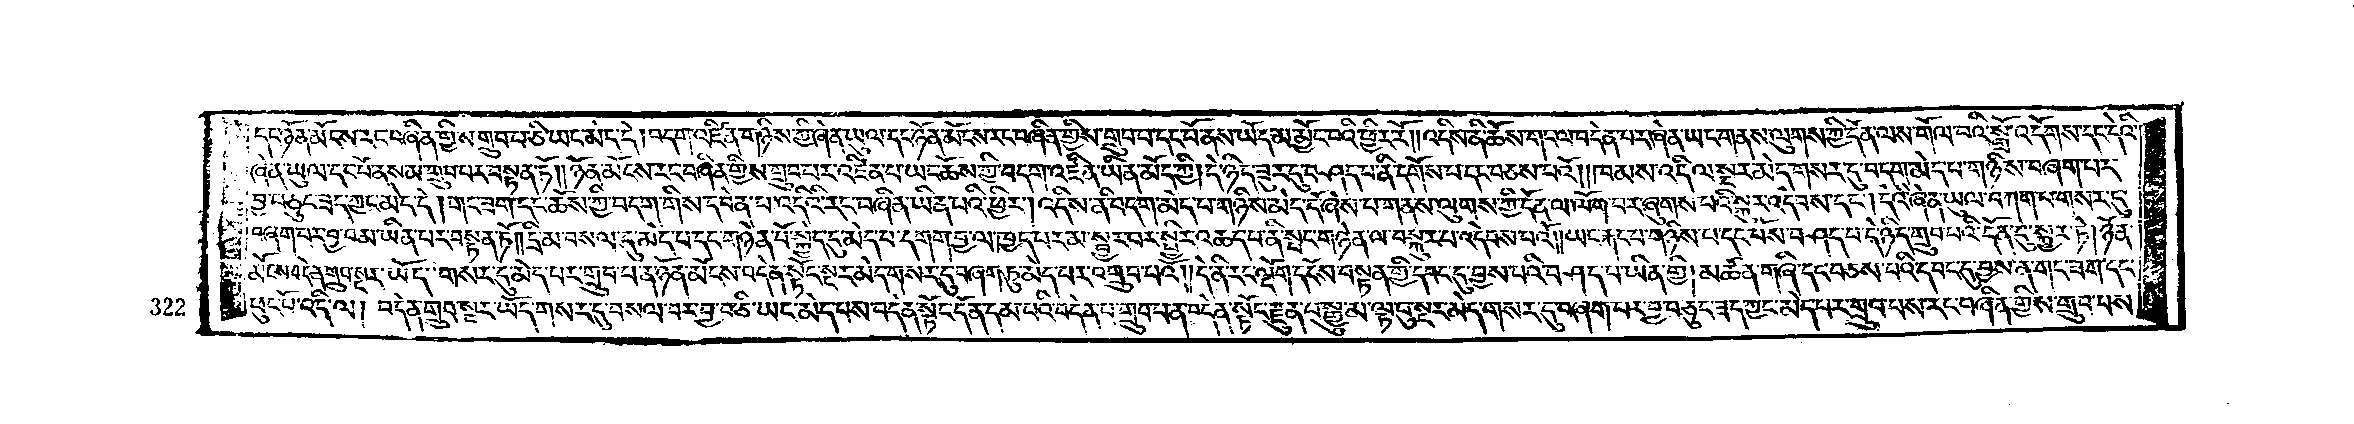དང་ཉོན་མོངས་རང་བཞིན་གྱིས་གྲུབ་པ་ཅི་ཡང་མེད་དེ། བདག་འཛིན་གཉིས་ཀྱི་ཞེན་ཡུལ་དང་ཉོན་མོངས་རང་བཞིན་གྱིས་གྲུབ་པ་དང་པོ་ནས་ཡོད་མ་མྱོང་བའི་ཕྱིར་རོ། །འདིས་ནི་ཆོས་གང་ལ་བདེན་པར་ཞེན་ཡང་གནས་ལུགས་ཀྱི་དོན་ལས་གོལ་བའི་སྒྲོ་འདོགས་དང་དེའི་
ཞེན་ཡུལ་དང་པོ་ནས་མ་གྲུབ་པར་བསྟན་ཏོ། །ཉོན་མོངས་རང་བཞིན་གྱིས་གྲུབ་པར་འཛིན་པ་ཡང་ཆོས་ཀྱི་བདག་འཛིན་ཡིན་མོད་ཀྱི། དེ་ཉིད་ཟུར་དུ་བཤད་པ་ནི་དགོས་པ་དང་བཅས་པའོ། །ཁམས་འདི་ལ་སྔར་མེད་གསར་དུ་བདག་མེད་པ་གཉིས་བཞག་པར་
བྱ་བ་ཅུང་ཟད་ཀྱང་མེད་དེ། གང་ཟག་དང་ཆོས་ཀྱི་བདག་གིས་དབེན་པ་འདིའི་རང་བཞིན་ཡིན་པའི་ཕྱིར། འདིས་ནི་བདག་མེད་པ་གཉིས་མེད་དོ་ཞེས་པ་གནས་ལུགས་ཀྱི་དོན་ལ་ལོག་པར་ཞུགས་པའི་སྐུར་འདེབས་དང་། དེའི་ཞེན་ཡུལ་བཀག་པ་གསར་དུ་
བཞག་པར་བྱ་བ་མ་ཡིན་པར་བསྟན་ཏོ། །དྲི་མ་བསལ་དུ་མེད་པ་དང་། གཉེན་པོ་སྐྱེ་དུ་མེད་པ་དགག་བྱ་ལ་ཁྱད་པར་མ་སྦྱར་བར་སྤྱིར་འཆད་པ་ནི་སྤང་གཉེན་ལ་བསྐུར་བ་འདེབས་པའོ། །ཡང་རྐང་པ་གཉིས་པ་དང་པོས་བཤད་པ་དེ་ཉིད་གྲུབ་པའི་དོན་དུ་སྐྱར་ཏེ། ཉོན་
མོངས་བདེན་གྲུབ་སྔར་ཡོད་གསར་དུ་མེད་པར་གྲུབ་པ་ན་ཉོན་མོངས་བདེན་སྟོང་སྔར་མེད་གསར་དུ་བཞག་ཏུ་མེད་པར་འགྲུབ་པའོ། །དེ་ནི་རང་ལྡོག་དངོས་བསྟན་གྱི་དབང་དུ་བྱས་པའི་བཤད་པ་ཡིན་གྱི་།མཚན་གཞི་དང་བཅས་པའི་དབང་དུ་བྱས་ན་གང་ཟག་དང་
ཕུང་པོ་འདི་ལ། བདེན་གྲུབ་སྔར་ཡོད་གསར་དུ་བསལ་བར་བྱ་བ་ཅི་ཡང་མེད་པས་བདེན་སྟོང་དོན་དམ་པའི་བདེན་པ་གྲུབ་པ་ན་བདེན་སྟོང་རྫུན་པ་སྒྱུ་མ་ལྟ་བུ་སྔར་མེད་གསར་དུ་བཞག་པར་བྱ་བ་ཅུང་ཟད་ཀྱང་མེད་པར་གྲུབ་པས་རང་བཞིན་གྱིས་གྲུབ་པས་